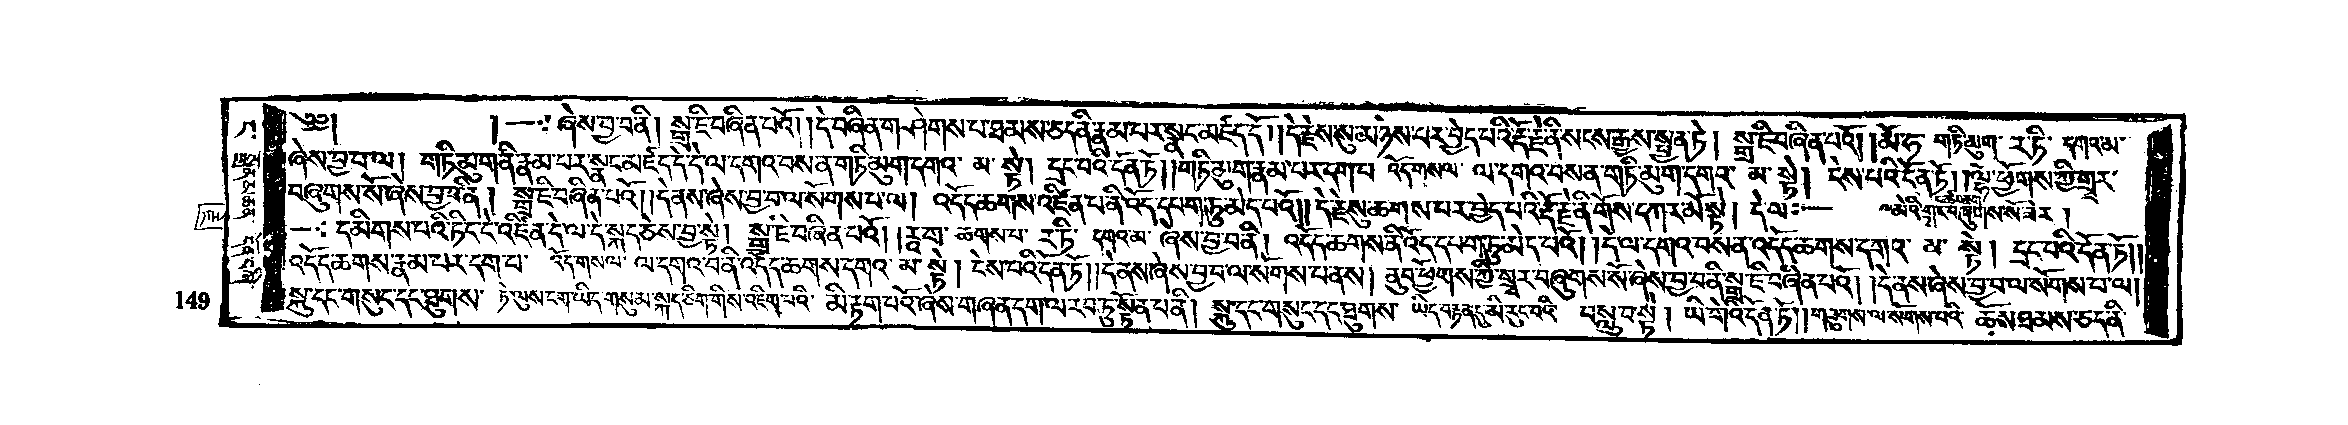༄༅། །.H ཞེས་བྱ་བ་ནི། སྒྲ་ཇི་བཞིན་པའོ། །དེ་བཞིན་གཤེགས་པ་ཐམས་ཅད་ནི་རྣམ་པར་སྣང་མཛད་དོ། །དེ་རྗེས་སུ་མཉེས་པར་བྱེད་པའི་རྡོ་རྗེ་ནི་སངས་རྒྱས་སྤྱན་ཏེ། སྒྲ་ཇི་བཞིན་པའོ། །མོ་ཧ་གཏི་མུག་ར་ཏི་དགའ་མ
ཞེས་བྱ་བ་ལ། གཏི་མུག་ནི་རྣམ་པར་སྣང་མཛད་དེ་དེ་ལ་དགའ་བས་ན་གཏི་མུག་དགའ་མ་སྟེ། དྲང་བའི་དོན་ཏོ། །གཏི་མུག་རྣམ་པར་དག་པ་འོད་གསལ་ལ་དགའ་བས་ན་གཏི་མུག་དགའ་མ་སྟེ། ངེས་པའི་དོན་ཏོ། །ལྷོ་ཕྱོགས་ཀྱི་གྲྭར་
བཞུགས་སོ་ཞེས་བྱ་བ་ནི། སྒྲ་ཇི་བཞིན་པའོ། །དེ་ནས་ཞེས་བྱ་བ་ལ་སོགས་པ་ལ། འདོད་ཆགས་འཛིན་པ་ནི་འོད་དཔག་ཏུ་མེད་པའོ། །དེ་རྗེས་སུ་ཆགས་པར་བྱེད་པའི་རྡོ་རྗེ་ནི་གོས་དཀར་མོ་སྟེ། དེ་ལཿ་༧མེའི་གྲྭར་བཞུགས་སོ་ཟེར།
.H དམིགས་པའི་ཏིང་ངེ་འཛིན་དེ་ལ་དེ་སྐད་ཅེས་བྱ་སྟེ། སྒྲ་ཇི་བཞིན་པའོ། །རཱ་ག་ཆགས་པ་ར་ཏི་དགའ་མ་ཞེས་བྱ་བ་ནི། འདོད་ཆགས་ནི་འོད་དཔག་ཏུ་མེད་པའོ། །དེ་ལ་དགའ་བས་ན་འདོད་ཆགས་དགའ་མ་སྟེ། དྲང་བའི་དོན་ཏོ།།
འདོད་ཆགས་རྣམ་པར་དག་པ་འོད་གསལ་ལ་དགའ་བ་ནི་འདོད་ཆགས་དགའ་མ་སྟེ། ངེས་པའི་དོན་ཏོ། །དེ་ནས་ཞེས་བྱ་བ་ལ་སོགས་པ་ནས། ནུབ་ཕྱོགས་ཀྱི་གྲྭར་བཞུགས་སོ་ཞེས་བྱ་བ་ནི་སྒྲ་ཇི་བཞིན་པའོ། །དེ་ནས་ཞེས་བྱ་བ་ལ་སོགས་པ་ལ།
སྐུ་དང་གསུང་དང་ཐུགས་ཏེ་ལུས་ངག་ཡིད་གསུམ་སྐད་ཅིག་གིས་འཇིག་པའི་མི་རྟག་པའོ་ཞེས་གཞན་དག་ལ་རབ་ཏུ་སྟོན་པ་ནི། སྐུ་དང་གསུང་དང་ཐུགས་ཡིད་བརྟན་དུ་མི་རུང་བའི་བསླུ་བ་སྟེ། ཡི་གེའི་དོན་ཏོ། ། གཟུགས་ལ་སོགས་པའི་ཆོས་ཐམས་ཅད་ནི་